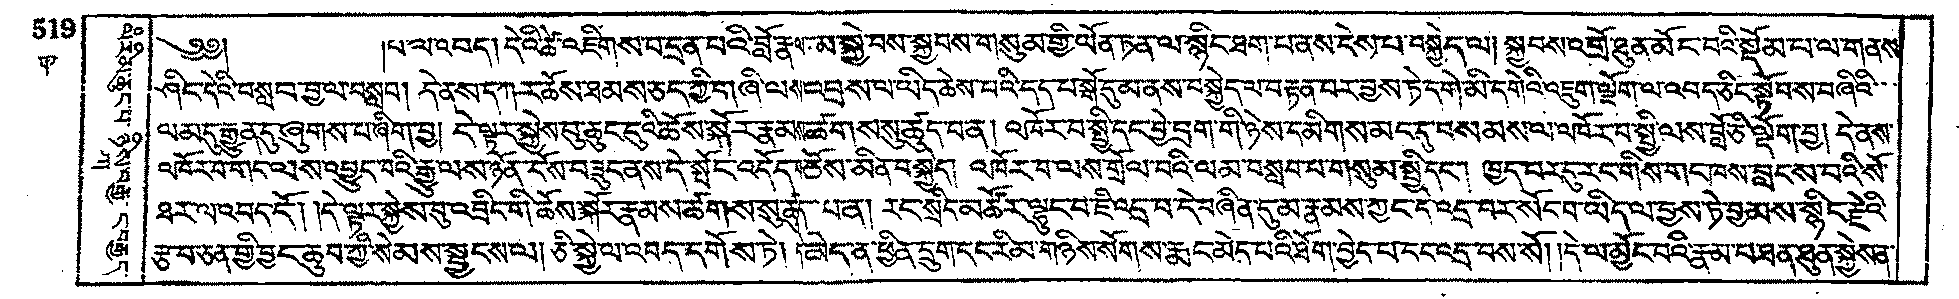༄༅། །པ་ལ་འབད། དེའི་ཚེ་འཇིགས་པ་དྲན་པའི་བློ་རྣལ་མ་སྐྱེ་བས་སྐྱབས་གསུམ་གྱི་ཡོན་ཏན་ལ་སྙིང་ཐག་པ་ནས་ངེས་པ་བསྐྱེད་ལ། སྐྱབས་འགྲོ་ཐུན་མོང་བའི་སྡོམ་པ་ལ་གནས་
ཤིང་དེའི་བསླབ་བྱ་ལ་བསླབ། དེ་ནས་དཀར་ཆོས་ཐམས་ཅད་ཀྱི་གཞི་ལས་འབྲས་ལ་ཡིད་ཆེས་པའི་དད་པ་སྒོ་དུ་མ་ནས་བསྐྱེད་ལ་བརྟན་པར་བྱས་ཏེ་དགེ་མི་དགེའི་འཇུག་ལྡོག་ལ་འབད་ཅིང་སྟོབས་བཞིའི་
ལམ་དུ་རྒྱུན་དུ་ཞུགས་པ་ཞིག་བྱ། དེ་ལྟར་སྐྱེས་བུ་ཆུང་ངུའི་ཆོས་སྐོར་རྣམས་ཚགས་སུ་ཚུད་པ་ན། འཁོར་བ་སྤྱི་དང་བྱེ་བྲག་གི་ཉེས་དམིགས་མང་དུ་བསམས་ལ་འཁོར་བ་སྤྱི་ལས་བློ་ཅི་ལྡོག་བྱ། དེ་ནས་
འཁོར་བ་གང་ལས་འབྱུང་བའི་རྒྱུ་ལས་ཉོན་ངོས་བཟུང་ནས་དེ་སྤོང་འདོད་བཅོས་མིན་བསྐྱེད། འཁོར་བ་ལས་གྲོལ་བའི་ལམ་བསླབ་པ་གསུམ་སྤྱི་དང་། ཁྱད་པར་དུ་རང་གིས་གང་ཁས་བླངས་པའི་སོ་
ཐར་ལ་འབད་དོ། །དེ་ལྟར་སྐྱེས་བུ་འབྲིང་གི་ཆོས་སྐོར་རྣམས་ཚགས་སུ་ཚུད་པ་ན། རང་སྲིད་མཚོར་ལྷུང་བ་ཇི་འདྲ་བ་དེ་བཞིན་དུ་མ་རྣམས་ཀྱང་དེ་འདྲ་བར་སོང་བ་ཡིད་ལ་བྱས་ཏེ་བྱམས་སྙིང་རྗེའི་
རྩ་བ་ཅན་གྱི་བྱང་ཆུབ་ཀྱི་སེམས་སྦྱངས་ལ། ཅི་སྐྱེ་ལ་འབད་དགོས་ཏེ། དེ་མེད་ན་ཕྱིན་དྲུག་དང་རིམ་གཉིས་སོགས་རྨང་མེད་པའི་ཐོག་བྱེད་པ་དང་འདྲ་བས་སོ། །དེ་ལ་མྱོང་བའི་རྣམ་པ་ཐན་ཐུན་སྐྱེས་ན་